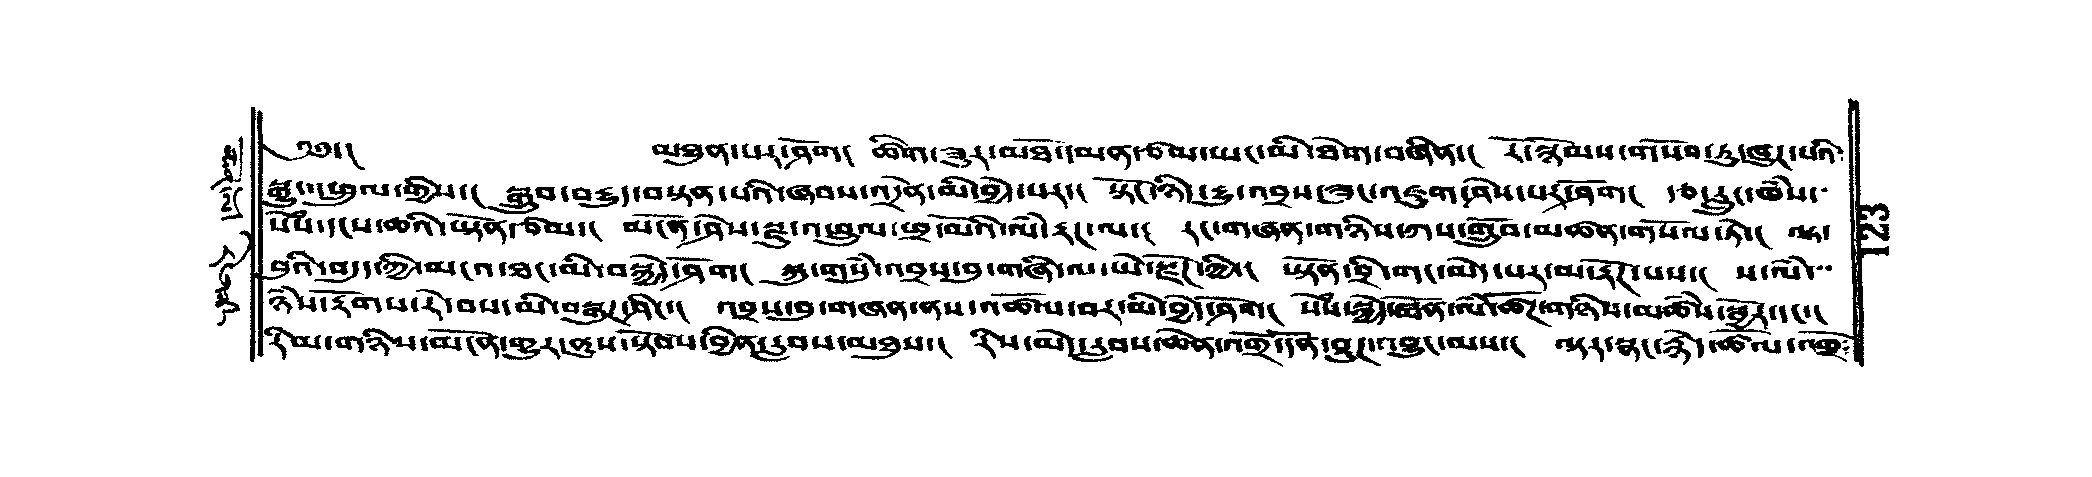མཐུན་པར་ཤོག །ཚིག་ཟུར་མཐོ་དམན་ཙམ་ཡང་མི་ཐེགས་བཞིན། །རོ་སྙོམས་གསོབ་ཏུ་ཞུགས་པའི་
སྒྱུ་འཕྲུལ་གྱིས། །སྒྲུབ་བརྒྱུད་བསྟན་པའི་ཞབས་འདྲེན་མི་བྱེད་པར། །སྟོང་ཉིད་རྒྱུ་འབྲས་ཟུང་འཇུག་ཤེས་པར་ཤོག །རྩ་རླུང་ཁམས་
སེམས་དྭངས་ཆའི་ཡོན་ཏན་ཙམ། །མངོན་ཤེས་རྫུ་འཕྲུལ་ཕྲ་མོའི་ལམ་རྟགས་ལ། །རང་གཞན་གཉིས་ཀས་གྲུབ་ཐོབ་མཚན་གསོལ་ཏེ། །ལྷ་
བུའི་བདུད་ཀྱི་མངའ་ཐང་མི་བསྐྱེད་ཤོག །སྐུ་གསུམ་འབྲས་བུ་གཞི་ལ་ཡེ་རྫོགས་ཀྱི། །ཡོན་ཏན་བྲི་གང་མེད་པར་མ་རྟོགས་པས། །ས་ལམ་
ཉམས་རྟོགས་རེ་བས་མི་བསྒུག་ཅིང་། །འབྲས་བུ་གཞན་ནས་འཚོལ་བར་མི་བྱེད་ཤོག །སེམས་སྐྱེད་སྨོན་ལམ་ཚོགས་གཉིས་མཚམས་སྦྱོར་དང་། །
རིམ་གཉིས་མངོན་གྱུར་ནུས་སྟོབས་བྱིན་རླབས་མཐུས། །རིས་མེད་རླབས་ཆེན་འགྲོ་དོན་ཤུགས་འབྱུང་མས། །ལྟར་སྣང་རྙེད་ཚོལ་འགྲོ་